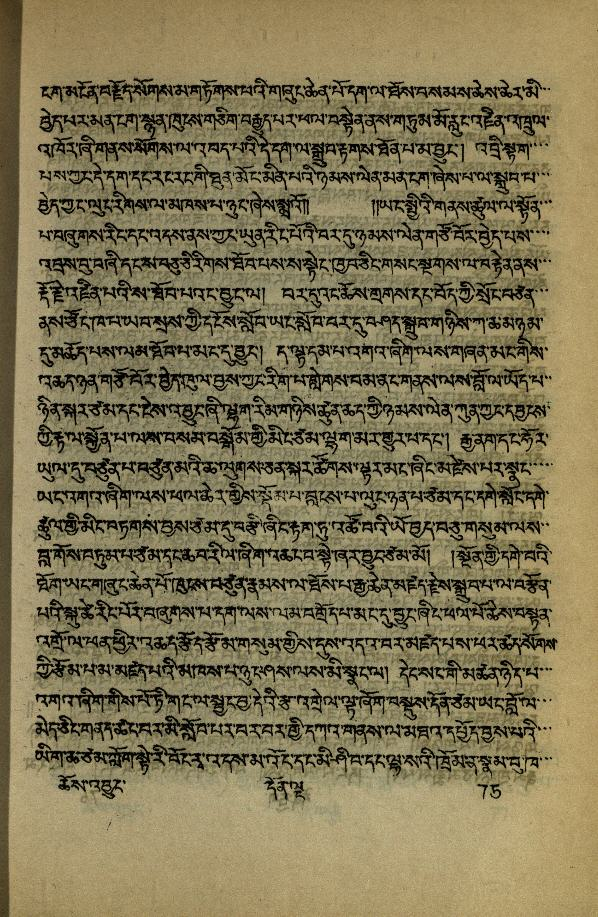ངག་མངོན་བརྗོད་སོགས་མ་གཏོགས་པའི་གཞུང་ཆེན་པོ་དག་ལ་ཐོས་བསམས་ཆེས་ཆེར་མི་
བྱེད་པར་མན་ངག་སྙན་ཁུངས་གཅིག་བརྒྱུད་པར་ཕལ་བསྟེན་ནས་གཏུམ་མོ་རླུང་འཛིན་འཁྲུལ་
འཁོར་ཞི་གནས་སོགས་ལ་འབད་པའི་དེ་དག་ལ་སྒྲུབ་རྟགས་ཐོན་པ་མ་བྱུང་། འབྲི་སྟག་
པས་ཀྱང་དེ་དག་དང་རང་རང་གི་ཐུན་མོང་མིན་པའི་ཉམས་ལེན་མན་ངག་ཞེས་པ་ལ་སྒྲུབ་པ་
བྱེད་ཀྱང་ལུང་རིགས་ལ་མཁས་པ་ཉུང་ཞེས་སྨྲའོ།། །།ཡང་སྤྱིའི་གནས་ཚུལ་ལ་སྟོན་
པ་བཞུགས་རིང་དང་འདས་ནས་ཀྱང་ཡུན་རིང་པོའི་བར་དུ་ཉམས་ལེན་གཙོ་བོར་བྱེད་པས་
འབྲས་བུ་བཞི་དང་ས་བཅུ་ཅི་རིགས་ཐོབ་པས་ས་སྟེང་ཁྱབ་ཅིང་གསང་སྔགས་ལ་བརྟེན་ནས་
རྡོ་རྗེ་འཛིན་པའི་ས་ཐོབ་པའང་བྱུང་ལ། བར་དུའང་ཆོས་གྲགས་དང་བོད་ཀྱི་སྲོང་བཙན་
ནས་ཙོང་ཁ་པ་ཡབ་སྲས་ཀྱི་དངོས་སློབ་ཡང་སློབ་བར་དུ་བཤད་སྒྲུབ་གཉིས་ཀ་ཆ་མཉམ་
དུ་མཆོད་པས་ལམ་ཐོབ་པ་མང་དུ་བྱུང་། ད་ལྟ་དམ་པ་འགའ་ཞིག་ལས་གཞན་མང་གིས་
འཆད་ཉན་གཙོ་བོར་བྱེད་ཁུལ་བྱས་ཀྱང་རིག་པ་གླེགས་བམ་ནང་གནས་ལས་བློ་ལ་ཡོད་པ་
ཉིན་སྐར་ཙམ་དང་ངེས་འབྱུང་ཞི་ལྷག་རིམ་གཉིས་ཚུན་ཆད་ཀྱི་ཉམས་ལེན་ཀུན་ཀྱང་དབྱངས་
ཀྱི་རྟ་ལ་སྐྱོན་པ་ལས་བསམ་བསྒོམ་གྱི་མིང་ཙམ་ལྷག་མར་གྱུར་པ་དང་། རྒྱ་ནག་དང་ཧོར་
ཡུལ་དུ་བཙུན་པ་བཙུན་མའི་ཆ་ལུགས་ཅན་སྐར་ཚོགས་ལྟར་མང་ཞིང་མཛེས་པར་སྣང་
ཡང་འགའ་ཞིག་ལས་ཕལ་ཆེར་གྱིས་སྡོམ་པ་བླངས་པ་ལུང་ཉན་པ་ཙམ་དང་དགེ་སློང་དགེ་
ཚུལ་གྱི་མིང་བཏགས་བྱས་ཙམ་དུ་བརྩི་ཞིང་རྟག་ཏུ་འཚོ་བའི་ཡོ་བྱད་བཅུ་གསུམ་ལས་
བླ་གོས་བཏུམ་པ་ཙམ་དང་ཆབ་རིལ་ཞིག་འཆང་བ་སྟེ་ཞར་བྱུང་ཙམ་མོ། །སྔོན་གྱི་དགེ་བའི་
ཐོག་ཡང་གཞུང་ཆེན་པོ་ཁུངས་བཙུན་རྣམས་ལ་ཐོས་པ་རྒྱ་ཆེན་མཛད་རྗེས་སྒྲུབ་པ་ལ་བརྩོན་
པའི་སྐུ་ཚེ་རིང་པོར་བཞུགས་པ་དག་ལས་ལམ་བགྲོད་པ་མང་དུ་བྱུང་ཞིང་ཕལ་པོ་ཆེས་བསྟན་
འགྲོ་ལ་ཕན་ཕྱིར་འཆད་རྩོད་རྩོམ་གསུམ་གྱིས་དུས་འདའ་བར་མཛད་པས་ཕར་ཚད་སོགས་
ཀྱི་རྩོམ་པ་མ་མཛད་པའི་མཁས་པ་ཉུང་ཤས་ལས་མི་སྣང་ལ། དེང་སང་གི་མཚན་ཉིད་པ་
འགའ་ཞིག་གིས་པོ་ཏི་གང་ལ་སྦྱང་བྱ་དེའི་རྩ་འགྲེལ་ལྟ་ཞོག་བསྡུས་དོན་ཙམ་ཡང་བློ་ལ་
མེད་ཅིང་གནད་ཚང་བར་མི་སློབ་པར་བར་བར་གྱི་དཀའ་གནས་ལ་མཐའ་དཔྱོད་བྱས་པའི་
ཡིག་ཆ་ཙམ་ཀློག་སྟེ་རི་བོང་རྭ་འདས་མ་འོང་དང་མི་ཤི་བ་དང་ལྷ་སའི་ཁྲོམ་ན་སྣམ་བུ་ཁ་